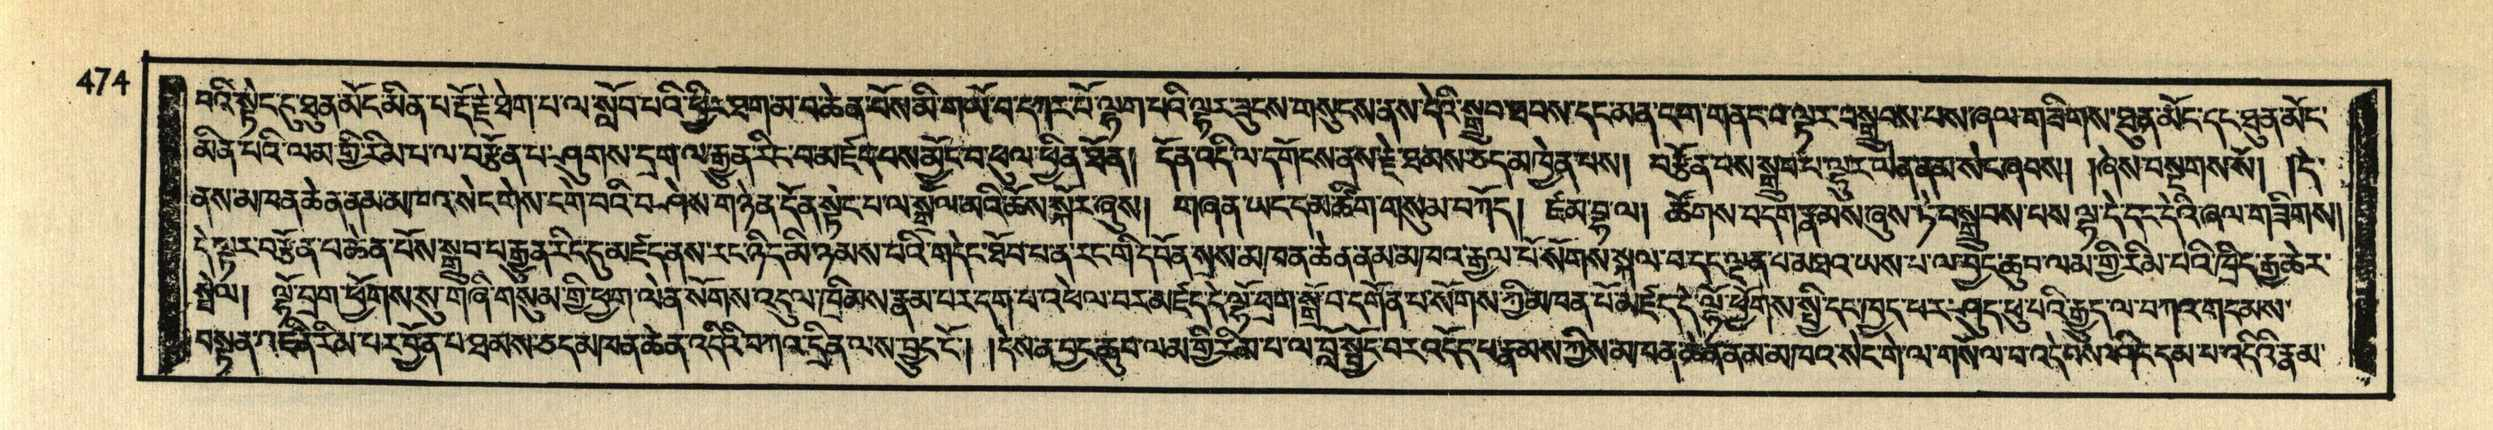བའི་སྟེང་དུ་ཐུན་མོང་མིན་པ་རྡོ་རྗེ་ཐེག་པ་ལ་སློབ་པའི་ཕྱིར་ཐག་མ་བ་ཆེན་པོས་མི་གཡོ་བ་དཀར་པོ་ལྷག་པའི་ལྷར་ཟུངས་གསུངས་ནས་དེའི་སྒྲུབ་ཐབས་དང་མན་ངག་གནང་བ་ལྟར་བསྒྲུབས་པས་ཞལ་གཟིགས་ཐུན་མོང་དང་ཐུན་མོང་
མིན་པའི་ལམ་གྱི་རིམ་པ་ལ་བརྩོན་པ་ཤུགས་དྲག་ལ་རྒྱུན་རིང་བ་མཛད་པས་མྱོང་བ་ཕུལ་ཕྱིན་ཐོན། དོན་འདི་ལ་དགོངས་ནས་རྗེ་ཐམས་ཅད་མཁྱེན་པས། བརྩོན་པས་སྒྲུབ་པ་ལྷུར་ལེན་ནམ་སེང་ཞབས། །ཞེས་བསྔགས་སོ། །དེ་
ནས་མཁན་ཆེན་ནམ་མཁའ་སེང་གེས་དགེ་བའི་བཤེས་གཉེན་དོན་སྟེང་པ་ལ་སྒྲོལ་མའི་ཆོས་སྐོར་ཞུས། གཞན་ཡང་དམ་ཚིག་གསུམ་བཀོད། ཛམ་བྷ་ལ། ཚོགས་བདག་རྣམས་ཞུས་ཏེ་བསྒྲུབས་པས་ལྷ་དེ་དང་དེའི་ཞལ་གཟིགས།
དེ་ལྟར་བརྩོན་པ་ཆེན་པོས་སྒྲུབ་པ་རྒྱུན་རིང་དུ་མཛད་ནས་རང་ཉིད་མི་ཉམས་པའི་གདེང་ཐོབ་པ་ན་རང་གི་དབོན་སྲས་མཁན་ཆེན་ནམ་མཁའ་རྒྱལ་པོ་སོགས་སྐལ་བ་དང་ལྡན་པ་མཐའ་ཡས་པ་ལ་བྱང་ཆུབ་ལམ་གྱི་རིམ་པའི་ཁྲིད་རྒྱ་ཆེར་
སྤེལ། ལྷོ་བྲག་ཕྱོགས་སུ་གཞི་གསུམ་གྱི་ཕྱག་ལེན་སོགས་འདུལ་ཁྲིམས་རྣམ་པར་དག་པ་འཕེལ་བར་མཛད་དེ་ལྷོ་ཕྲག་སྒྲོ་བ་དགོན་པ་སོགས་ཀྱི་མཁན་པོ་མཛད་དེ་ལྷོ་ཕྱོགས་སྤྱི་དང་ཁྱད་པར་ཤུད་ཕུ་པའི་རྒྱུད་ལ་བཀའ་གདམས་
བསྟན་འཛིན་རིམ་པར་བྱོན་པ་ཐམས་ཅད་མཁན་ཆེན་འདིའི་བཀའ་དྲིན་ལས་བྱུང་ངོ། །དེས་ན་བྱང་ཆུབ་ལམ་གྱི་རིམ་པ་ལ་བློ་སྦྱོང་བར་འདོད་པ་རྣམས་ཀྱིས་མཁན་ཆེན་ནམ་མཁའ་སེང་གེ་ལ་གསོལ་བ་འདེབས་ཤིང་དམ་པ་འདིའི་རྣམ་